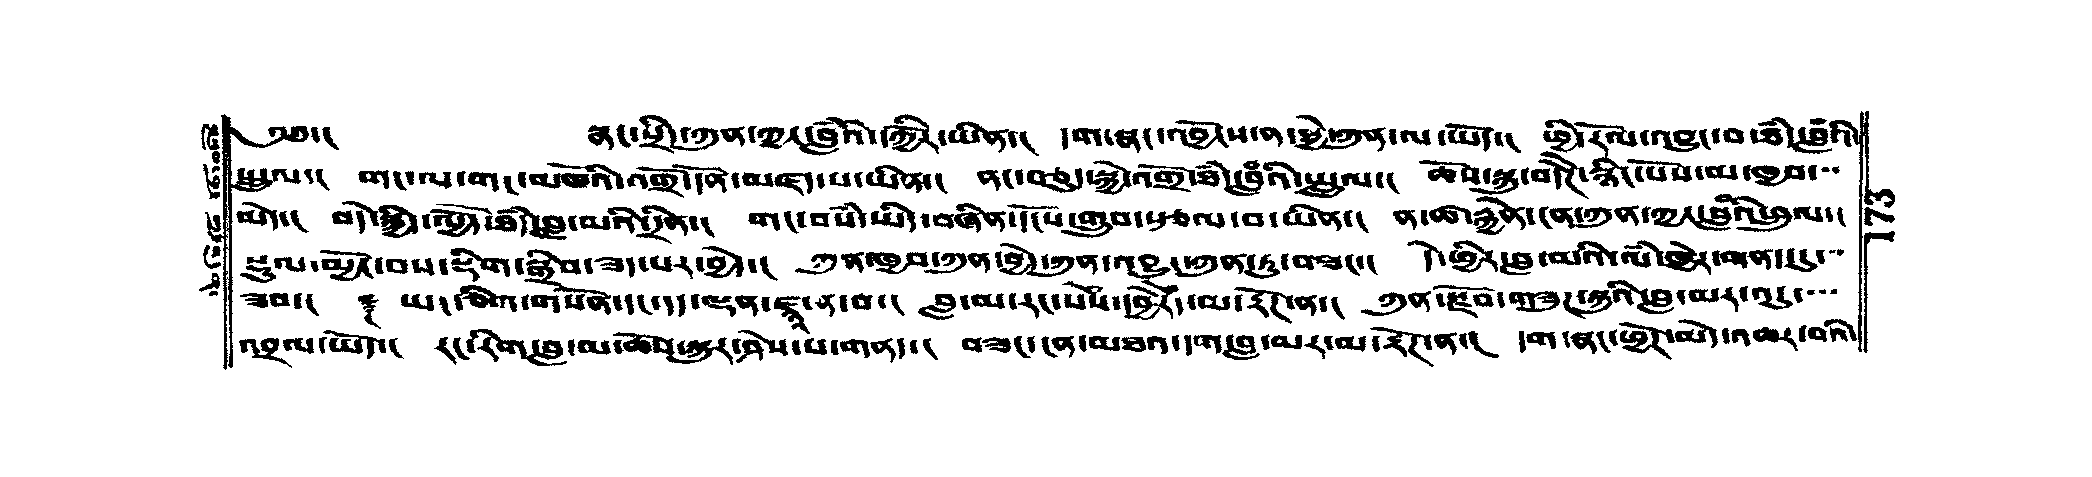།སྣང་སྲིད་ཀུན་ཀྱང་བླ་མའི་དཀྱིལ་འཁོར་ཡིན། །དག་སྣང་འབྱོངས་ན་ཐུགས་རྗེ་ཀུན་ལ་ཡོད། །ཕྱི་རོལ་འབྱུང་བ་ཐམས་ཅད་བླ་མའི་
སྤྲུལ། །གང་ལ་གང་མཁོའི་འགྲོ་དོན་མཛད་པ་ཡིན། །ནང་བཅུད་སྐྱེ་འགྲོ་ཐམས་ཅད་བླ་མའི་སྤྲུལ། །ཆོས་སྐུ་བདེ་གཤེགས་སྙིང་པོས་མ་ཁྱབ་
མེད། །བདེ་སྐྱིད་ལོངས་སྤྱོད་ཐམས་ཅད་བླ་མའི་དྲིན། གང་བསམ་ཡིད་བཞིན་དངོས་གྲུབ་རྩ་བ་ཡིན། །ན་ཚ་རྐྱེན་ངན་ཀུན་ཀྱང་བླ་མའི་འཕྲུལ། །
སྡུག་བསྔལ་མྱོང་བས་སྡིག་སྒིབ་ཟད་པར་བྱེད། །ཀུན་ཁྱབ་ཀུན་བྱེད་ཀུན་འབྱུང་ཀུན་ཏུ་བཟང་། །དེ་ཕྱིར་བླ་མའི་ལམ་ཁྱེར་གནད་དུ་
ཟབ། །ཡང་ཅིག་གསོན་དང་དད་ལྡན་ཛྙཱ་ན་བ། །བླ་མ་རང་སེམས་དབྱེར་མེད་མ་རྟོགས་ན། །ཀུན་རྫོབ་གཟུགས་སྐུའི་བླ་མར་འདུ་
འབྲལ་ཡོད། །རང་རིག་བླ་མ་ཆོས་སྐུར་ཤེས་པ་གནད། །བཟང་ངན་མཐའ་དག་བླ་མར་མ་རྟོགས་ན། །དག་སྣང་ཕྱོགས་མེད་འཆར་བའི་